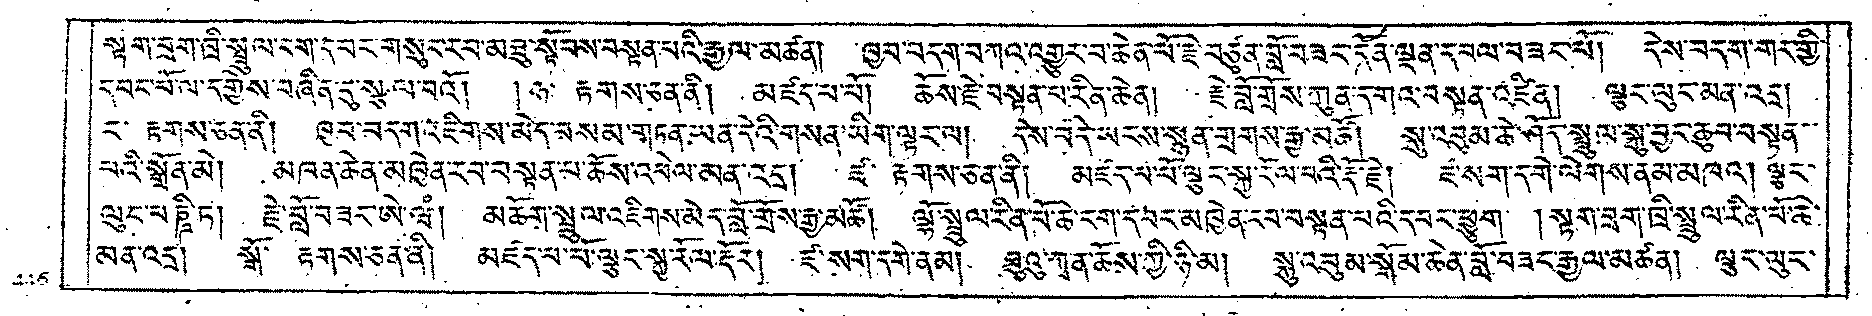སྟག་བྲག་ཁྲི་སྤྲུལ་ངག་དབང་གསུང་རབ་མཐུ་སྟོབས་བསྟན་པའི་རྒྱལ་མཚན། ཁྱབ་བདག་བཀའ་འགྱུར་བ་ཆེན་པོ་རྗེ་བཙུན་བློ་བཟང་དོན་ལྡན་དཔལ་བཟང་པོ། དེས་བདག་གར་གྱི་
དབང་པོ་ལ་དགྱེས་བཞིན་དུ་སྩལ་བའོ། །ཉ་རྟགས་ཅན་ནི། མཛད་པ་པོ། ཆོས་རྗེ་བསྟན་པ་རིན་ཆེན། རྗེ་བློ་གྲོས་ཀུན་དགའ་བསྟན་འཛིན། ལྕང་ལུང་མན་འདྲ།
ང་རྟགས་ཅན་ནི། ཁྱབ་བདག་འཇིགས་མེད་བསམ་གཏན་ཡན་དེའི་གསན་ཡིག་ལྟར་ལ། དེས་བདེ་ཡངས་སྙན་གྲགས་རྒྱ་མཚོ། སྐུ་འབུམ་ཆེ་ཤོད་སྤྲུལ་སྐུ་བྱང་ཆུབ་བསྟན་
པའི་སྒྲོན་མེ། མཁན་ཆེན་མཁྱེན་རབ་བསྟན་པ་ཆོས་འཕེལ་མན་འདྲ། ཛ་རྟགས་ཅན་ནི། མཛད་པ་པོ་ལྕང་སྐྱ་རོལ་པའི་རྡོ་རྗེ། ཛ་སག་དགེ་ལེགས་ནམ་མཁའ། ལྕང་
ལུང་པཎྜི་ཏ། རྗེ་བློ་བཟང་ཨེ་ཝཾ། མཆོག་སྤྲུལ་འཇིགས་མེད་བློ་གྲོས་རྒྱ་མཚོ། ལྷོ་སྤྲུལ་རིན་པོ་ཆེ་ངག་དབང་མཁྱེན་རབ་བསྟན་པའི་དབང་ཕྱུག །སྟག་བྲག་ཁྲི་སྤྲུལ་རིན་པོ་ཆེ་
མན་འདྲ། སྒོ་རྟགས་ཅན་ནི། མཛད་པ་པོ་ལྕང་སྐྱ་རོལ་རྡོར། ཛ་སག་དགེ་ནམ། ཐུའུ་ཀྭན་ཆོས་ཀྱི་ཉི་མ། སྐུ་འབུམ་སྒོམ་ཆེན་བློ་བཟང་རྒྱལ་མཚན། ལྕང་ལུང་